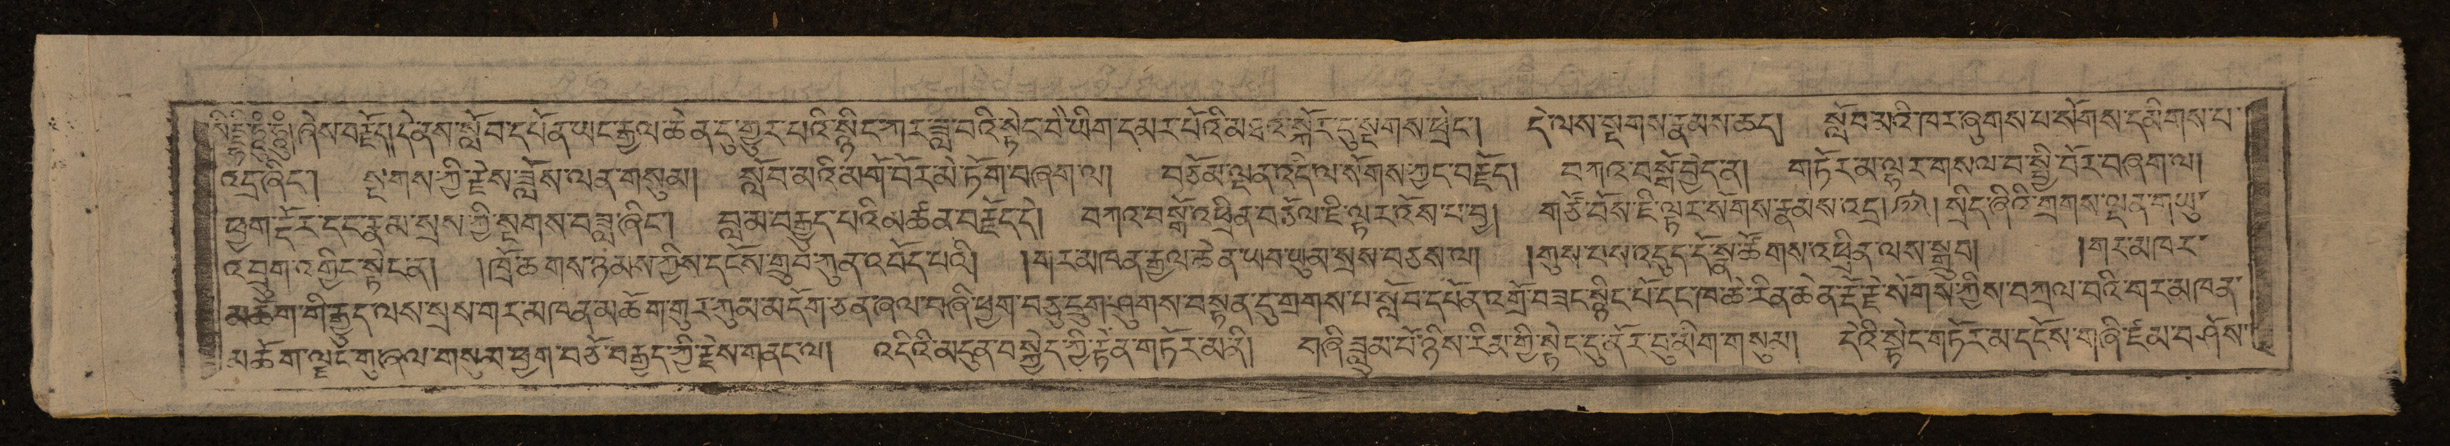སིདྡྷི་ཧཱུཾ་ཧཱུཾ། ཞེས་བརྗོད། དེ་ནས་སློབ་དཔོན་ཡང་རྒྱལ་ཆེན་དུ་གྱུར་པའི་སྙིང་ཀར་ཟླ་བའི་སྟེང་བཻ་ཡིག་དམར་པོའི་མཐའ་སྐོར་དུ་སྔགས་ཕྲེང་། དེ་ལས་སྔགས་རྣམས་ཆད། སློབ་མའི་ཁར་ཞུགས་པ་སོགས་དམིགས་པ་
འདྲ་ཞིང་། སྔགས་ཀྱི་རྗེས་ཟློས་ལན་གསུམ། སློབ་མའི་མགོ་བོར་མེ་ཏོག་བཞག་ལ། བཅོམ་ལྡན་འདི་ལ་སོགས་ཀྱང་བརྗོད། བཀའ་བསྒོ་བྱེད་ན། གཏོར་མ་ལྷར་གསལ་བ་སྤྱི་བོར་བཞག་ལ།
ཕྱག་རྡོར་དང་རྣམ་སྲས་ཀྱི་སྔགས་བཟླ་ཞིང་། བླ་མ་བརྒྱུད་པའི་མཚན་བརྗོད་དེ། བཀའ་བསྒོ་འཕྲིན་བཅོལ་ཇི་ལྟར་འོས་པ་བྱ། གཙོ་བོས་ཇི་ལྟར་སོགས་རྣམས་འདྲ། ༡༡?་།སྲིད་ཞིའི་གྲགས་ལྡན་གཡུ་
འབྲུག་འགྱིང་སྟེང་ན། །ཁྲོ་ཆགས་ཉམས་ཀྱིས་དངོས་གྲུབ་ཀུན་འབོད་པའི། །གར་མཁན་རྒྱལ་ཆེན་ཡབ་ཡུམ་སྲས་བཅས་ལ། །གུས་པས་འདུད་དོ་སྣ་ཚོགས་འཕྲིན་ལས་སྒྲུབ། །གར་མཁར་
མཆོག་གི་རྒྱུད་ལས་སྲས་གར་མཁན་མཆོག་གུར་ཀུམ་མདོག་ཅན་ཞལ་བཞི་ཕྱག་བཅུ་དྲུག་ཤུགས་བསྟན་དུ་གྲགས་པ་སློབ་དཔོན་འགྲོ་བཟང་སྙིང་པོ་དང་ཁ་ཆེ་རིན་ཆེན་རྡོ་རྗེ་སོགས་ཀྱིས་བཀྲལ་བའི་གར་མཁན་
མཆོག་ལྗང་གུ་ཞལ་གསུམ་ཕྱག་བཅོ་བརྒྱད་ཀྱི་རྗེས་གནང་ལ། འདིའི་མདུན་བསྐྱེད་ཀྱི་རྟེན་གཏོར་མིན། བཞི་ཟླུམ་པོ་ཉིས་རིམ་གྱི་སྟེང་དུ་ནོར་བུ་མིག་གསུམ། དེའི་སྟེང་གཏོར་མ་དངོས་གཞི་ཛམ་བཤོས་